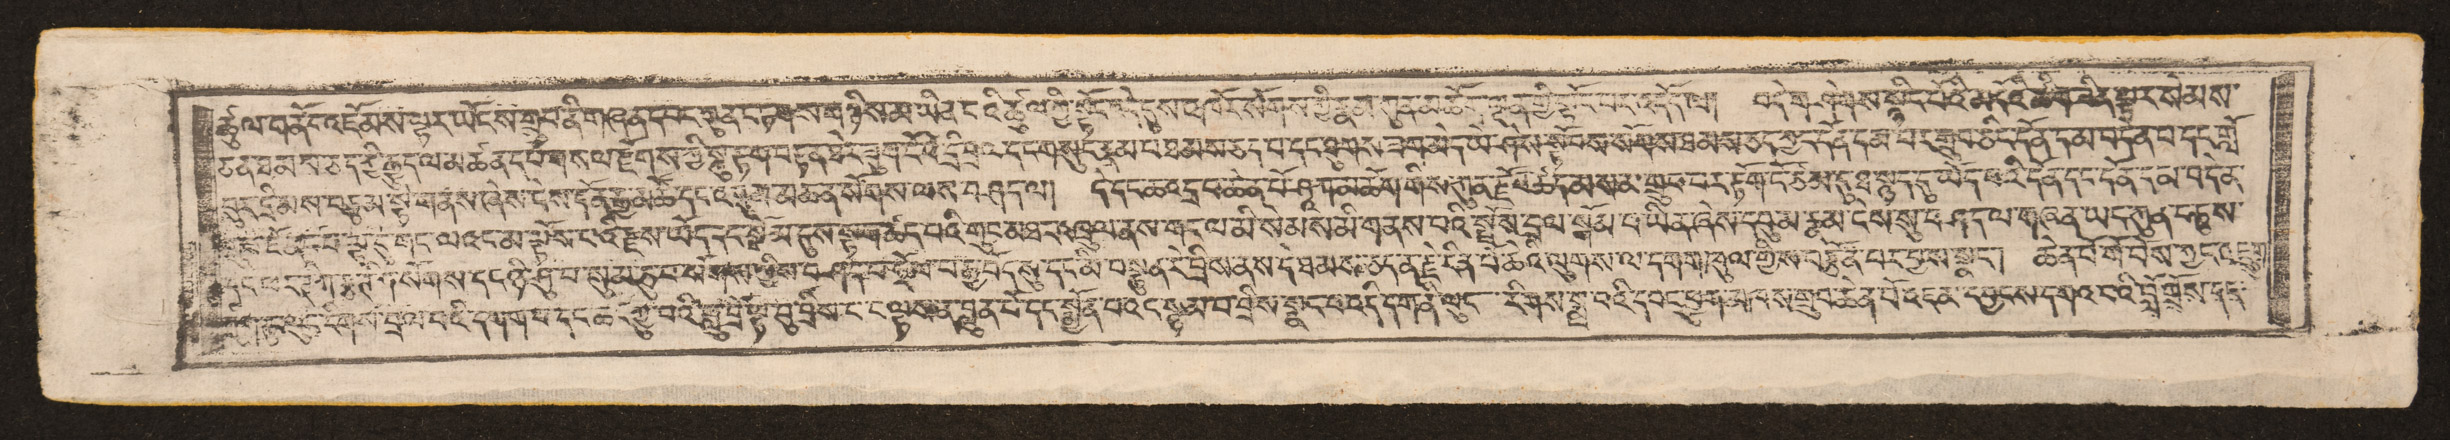ཚུལ་གནོད་འཇོམས་ལྟར་ཡོངས་གྲུབ་ནི་གཞན་དབང་གུན་བཏགས་གཉིས་མ་ཡིན་པའི་ཚུལ་གྱི་སྟོང་བདེ་དུས་འཁོར་སོགས་ཀྱི་རྣམ་ཀུན་མཆོག་ལྡན་གྱི་སྟོང་བར་འདོད་ལ། བདེ་གཤེགས་སྙིང་པོའི་མདོའི་ཚིག་ཟིན་ལྟར་སེམས་
ཅན་ཐམས་ཅད་ཀྱི་རྒྱུད་ལ་མཚན་དཔེ་གསལ་རྫོགས་ཀྱི་སྐུ་རྟག་བརྟན་ཐེར་ཟུག་ངོ་བོ་དྲི་བྲལ་དང་གསུང་རྣམ་པ་ཐམས་ཅད་པ་དང་ཐུགས་ཟག་མེད་ཡེ་ཤེས་སྟོབས་སོགས་ཐམས་ཅད་ཀྱང་དོན་དམ་པར་གྲུབ་ཅིང་དོན་དམ་བདེན་པ་དང་གློ་
བུར་དྲི་མས་བཏུམ་སྟེ་གནས་ཞེས་དེས་དོན་རྒྱ་མཚོ་དང་འབུམ་མཆན་སོགས་ལས་བཤད་ལ། དེ་དང་ཆ་འདྲ་བ་ཆེན་པོ་ཤཱཀ་མཆོག་གིས་ཀུན་རྫོབ་ཚད་མས་མ་གྲུབ་པར་རྟོག་པོ་ཙམ་དུ་ཐ་སྙད་དུ་ཡོད་པའི་དོན་དང་དོན་དམ་བདེན་
གྲུབ་ཇོ་ནང་བ་ལྟ་དུ་གང་ལའང་མ་ལྟོས་པའི་རྫས་ཡོད་དང་སྒོམ་དུས་སྟག་ཚང་པའི་གྲུབ་མཐར་འཁྲུལ་ནས་གང་ལ་མི་སེམས་མི་གནས་པའི་སྤྲོས་དྲལ་སྒོམ་པ་ཡིན་ཞེས་དབུ་མ་རྣམ་དེས་སུ་བཤད་ལ་གཞན་ཡང་ཀུན་བཏུས་
དང་པར་ཊིཀ་རྩ་ཊི་ཀ་སོགས་དང་ཉི་ཤུ་པ་སུམ་ཅུ་པ་སོགས་ཀྱིས་བཤད་པ་ཧྲོལ་བརྒྱ་བོད་སུ་དང་མི་བསྟུན་རེ་བྲིས་ནས་དེ་ཐམས་ཅད་ན་རྗེ་རིན་པོ་ཆེའི་ལུགས་ལ་དགག་ཁུལ་གྱིས་བརྩོན་པར་བྱས་སྣང་། ཆེན་པོ་གོ་བོས་ཀྱང་འཇུག་
ཊིཀ་ཏུ་ལུང་རིགས་པྲལ་བའི་དགག་པ་དང་ཆང་ཀྱུ་བའི་གླུ་བྲོ་ལྟ་བུ་བྲིས་པ་བལྟས་ན་བླུན་པོ་དང་སྨྱོན་པ་འང་སྙམ་པ་དྲིས་སྣང་བ་འདི་དག་ནི་ལུང་རིགས་སྨྲ་བའི་དབང་ཕྱུག་མཁས་གྲུབ་ཆེན་པོ་འཇམ་དབྱངས་དགའ་བའི་བློ་གྲོས་དང་